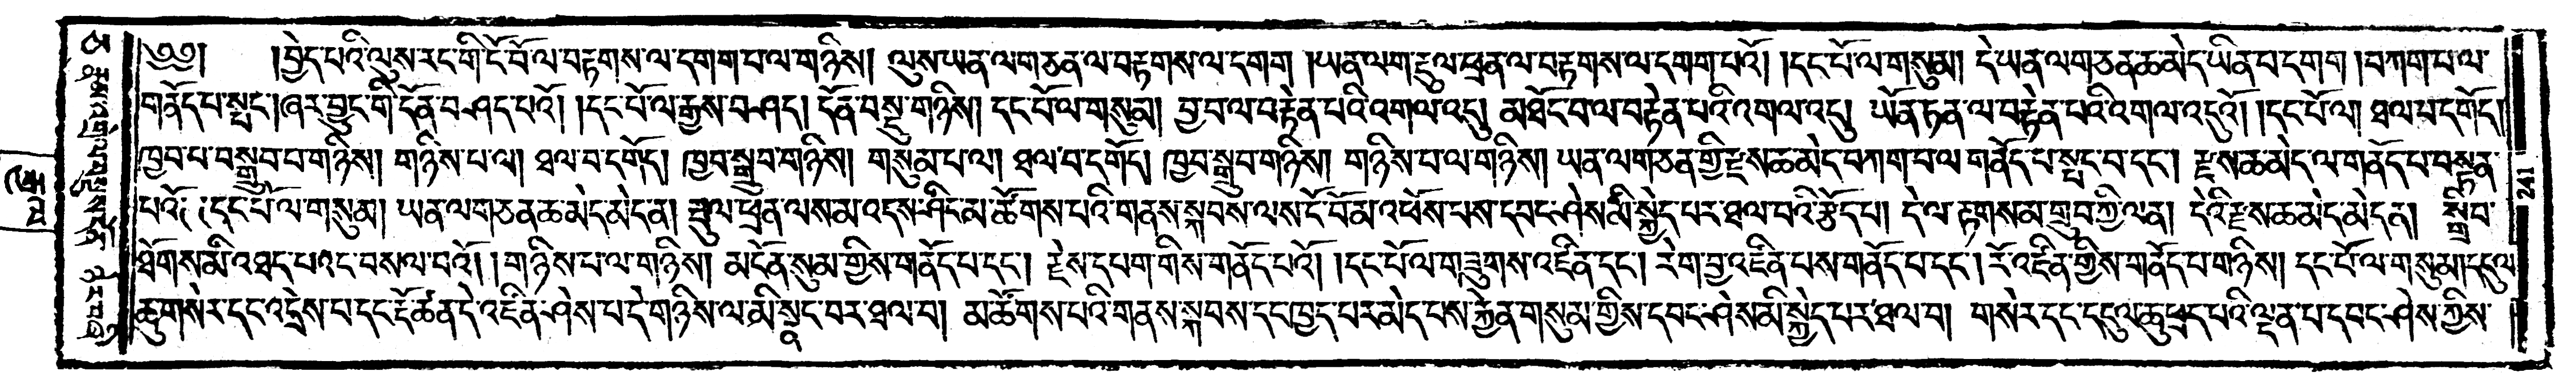༄༅། །བྱེད་པའི་ལུས་རང་གི་ངོ་བོ་ལ་བརྟགས་ལ་དགག་པ་ལ་གཉིས། ལུས་ཡན་ལག་ཅན་ལ་བརྟགས་ལ་དགག །ཡན་ལག་རྡུལ་ཕྲན་ལ་བརྟགས་ལ་དགག་པའོ། །དང་པོ་ལ་གསུམ། དེ་ཡན་ལག་ཅན་ཆ་མེད་ཡིན་པ་དགག །བཀག་པ་ལ་
གནོད་པ་སྤང་། ཞར་བྱུང་གི་དོན་བཤད་པའོ། །དང་པོ་ལ་རྒྱས་བཤད། དོན་བསྡུ་གཉིས། དང་པོ་ལ་གསུམ། བྱ་བ་ལ་བརྟེན་པའི་འགལ་འདུ། མཐོང་བ་ལ་བརྟེན་པའི་འགལ་འདུ། ཡོན་ཏན་ལ་བརྟེན་པའི་འགལ་འདུའོ། །དང་པོ་ལ། ཐལ་པ་དགོད།
ཁྱབ་པ་བསྒྲུབ་པ་གཉིས། གཉིས་པ་ལ། ཐལ་བ་དགོད། ཁྱབ་སྒྲུབ་གཉིས། གསུམ་པ་ལ། ཐལ་བ་དགོད། ཁྱབ་སྒྲུབ་གཉིས། གཉིས་པ་ལ་གཉིས། ཡན་ལག་ཅན་གྱི་རྫས་ཆ་མེད་བཀག་པ་ལ་གནོད་པ་སྤང་བ་དང་། རྫས་ཆ་མེད་ལ་གནོད་པ་བསྟན་
པའོ། །དང་པོ་ལ་གསུམ། ཡན་ལག་ཅན་ཆ་མེད་མེད་ན། རྡུལ་ཕྲན་ལས་མ་འདས་ཤིང་མ་ཚོགས་པའི་གནས་སྐབས་ལས་ངོ་བོ་མ་འཕོས་པས་དབང་ཤེས་མི་སྐྱེད་པར་ཐལ་བའི་རྩོད་པ། དེ་ལ་རྟགས་མ་གྲུབ་ཀྱི་ལན། དེའི་རྫས་ཆ་མེད་མེད་ན། སྒྲིབ་
ཐོགས་མི་འཐད་པའང་བསལ་བའོ། །གཉིས་པ་ལ་གཉིས། མངོན་སུམ་གྱིས་གནོད་པ་དང་། རྗེས་དཔག་གིས་གནོད་པའོ། །དང་པོ་ལ་གཟུགས་འཛིན་དང་། རེག་བྱ་འཛིན་པས་གནོད་པ་དང་། རོ་འཛིན་གྱིས་གནོད་པ་གཉིས། དང་པོ་ལ་གསུམ། དངུལ་
ཆུ་གསེར་དང་འདྲེས་པ་དང་རྡོ་ཚན་དེ་འཛིན་ཤེས་པ་དེ་གཉིས་ལ་མི་སྣང་བར་ཐལ་བ། མ་ཚོགས་པའི་གནས་སྐབས་དང་ཁྱད་པར་མེད་པས་རྐྱེན་གསུམ་གྱིས་དབང་ཤེས་མི་སྐྱེད་པར་ཐལ་བ། གསེར་དང་དངུལ་ཆུ་ཕྲད་པའི་ལྡན་པ་དབང་ཤེས་ཀྱིས་